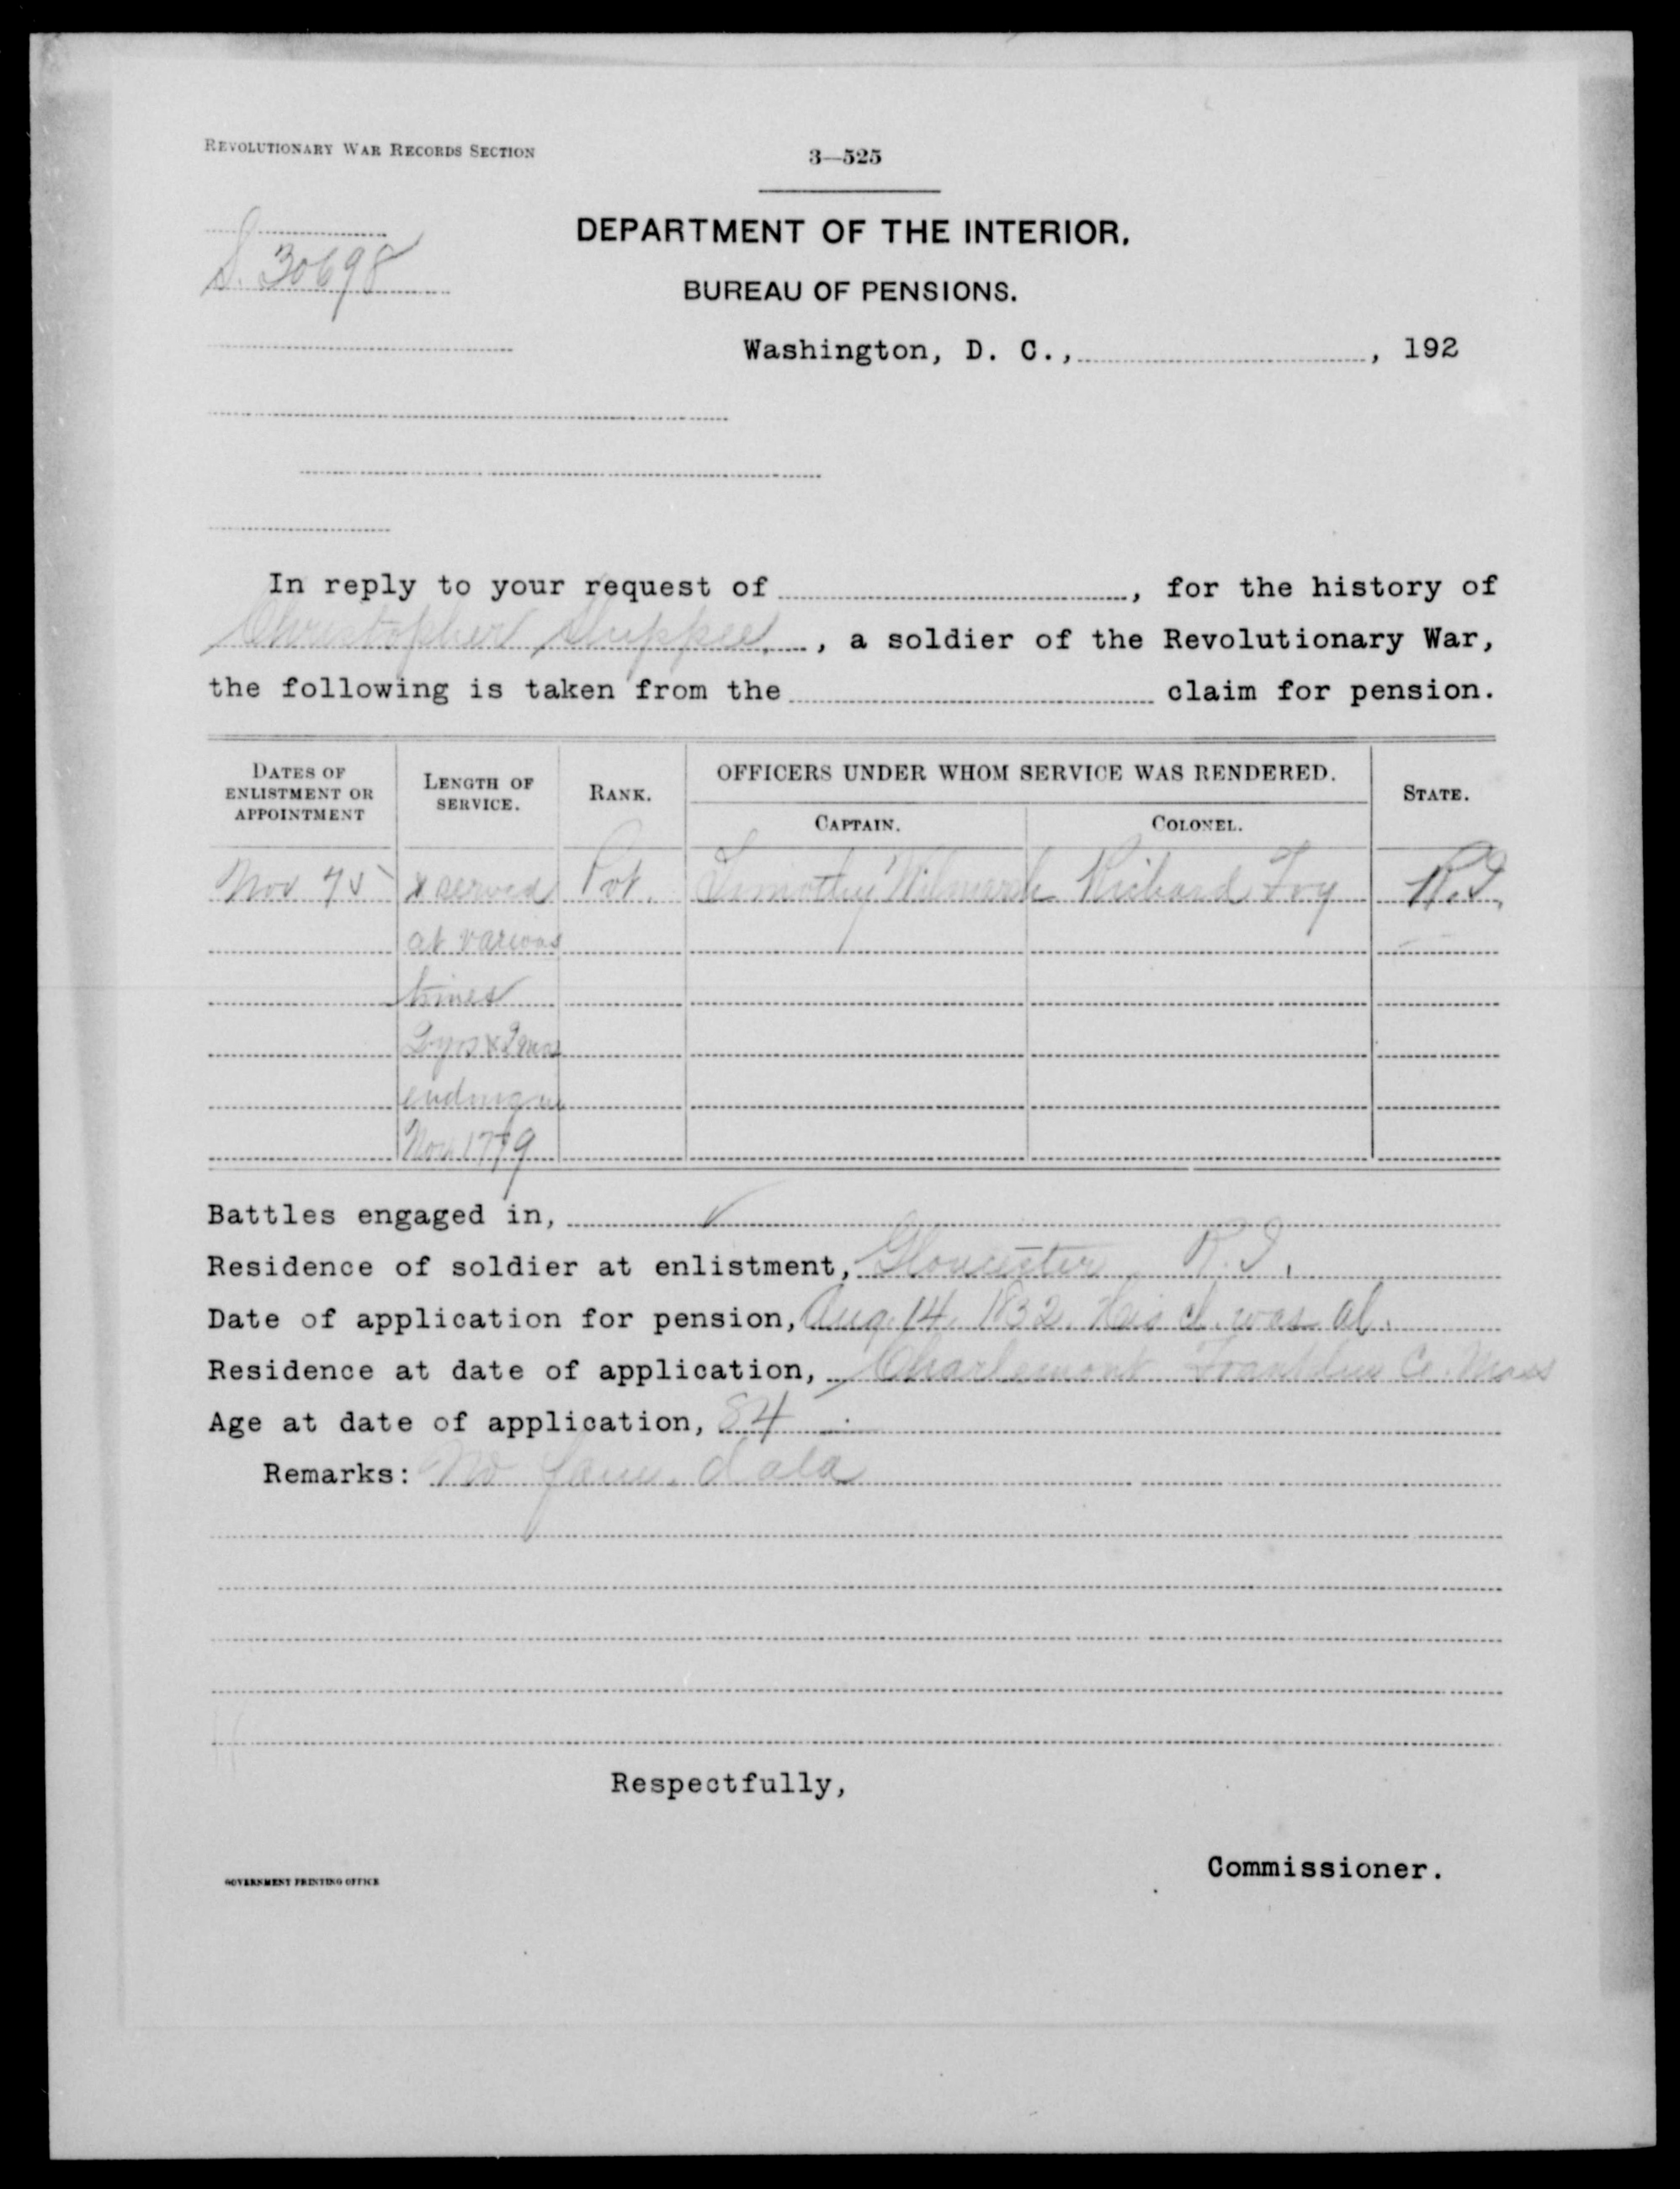REVOLUTIONARY WAR RECORDS SECTION
3 -- 525
DEPARTMENT OF THE INTERIOR.
BUREAU OF PENSIONS.
S. 30698

Washington, D. C.  192
In reply to your request of ______, for the history of Christopher Shippee, a soldier of the Revolutionary War, following is taken from the
claim for pension.
DATES OF ENLISTMENT OR APPOINTMENT: Nov 75
LENGTH OF SERVICE: I served at various times 2 yrs & 2 mos ending in Nov 1779S
RANK: Private
OFFICERS UNDER WHOM SERVICE WAS RENDERED.
CAPTAIN: Timothy Wilmarch
COLONEL: Richard Fry
STATE: R.I.
Battles engaged in:
Residence of soldier at enlistment, Gloucester, R.I.
Date of application for pension, Aug 14 1832. 
Residence at date of application, Charlemont Franklin Co. Mass
Age at date of application, 84
Remarks: no fam. data

Respectfully,
Commissioner.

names: Timothy Wilmarth; Christopher Shippee; Richard Fry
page: 10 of 20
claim: survivor's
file: S. 30,698, for Christopher Shippee, Rhode Island